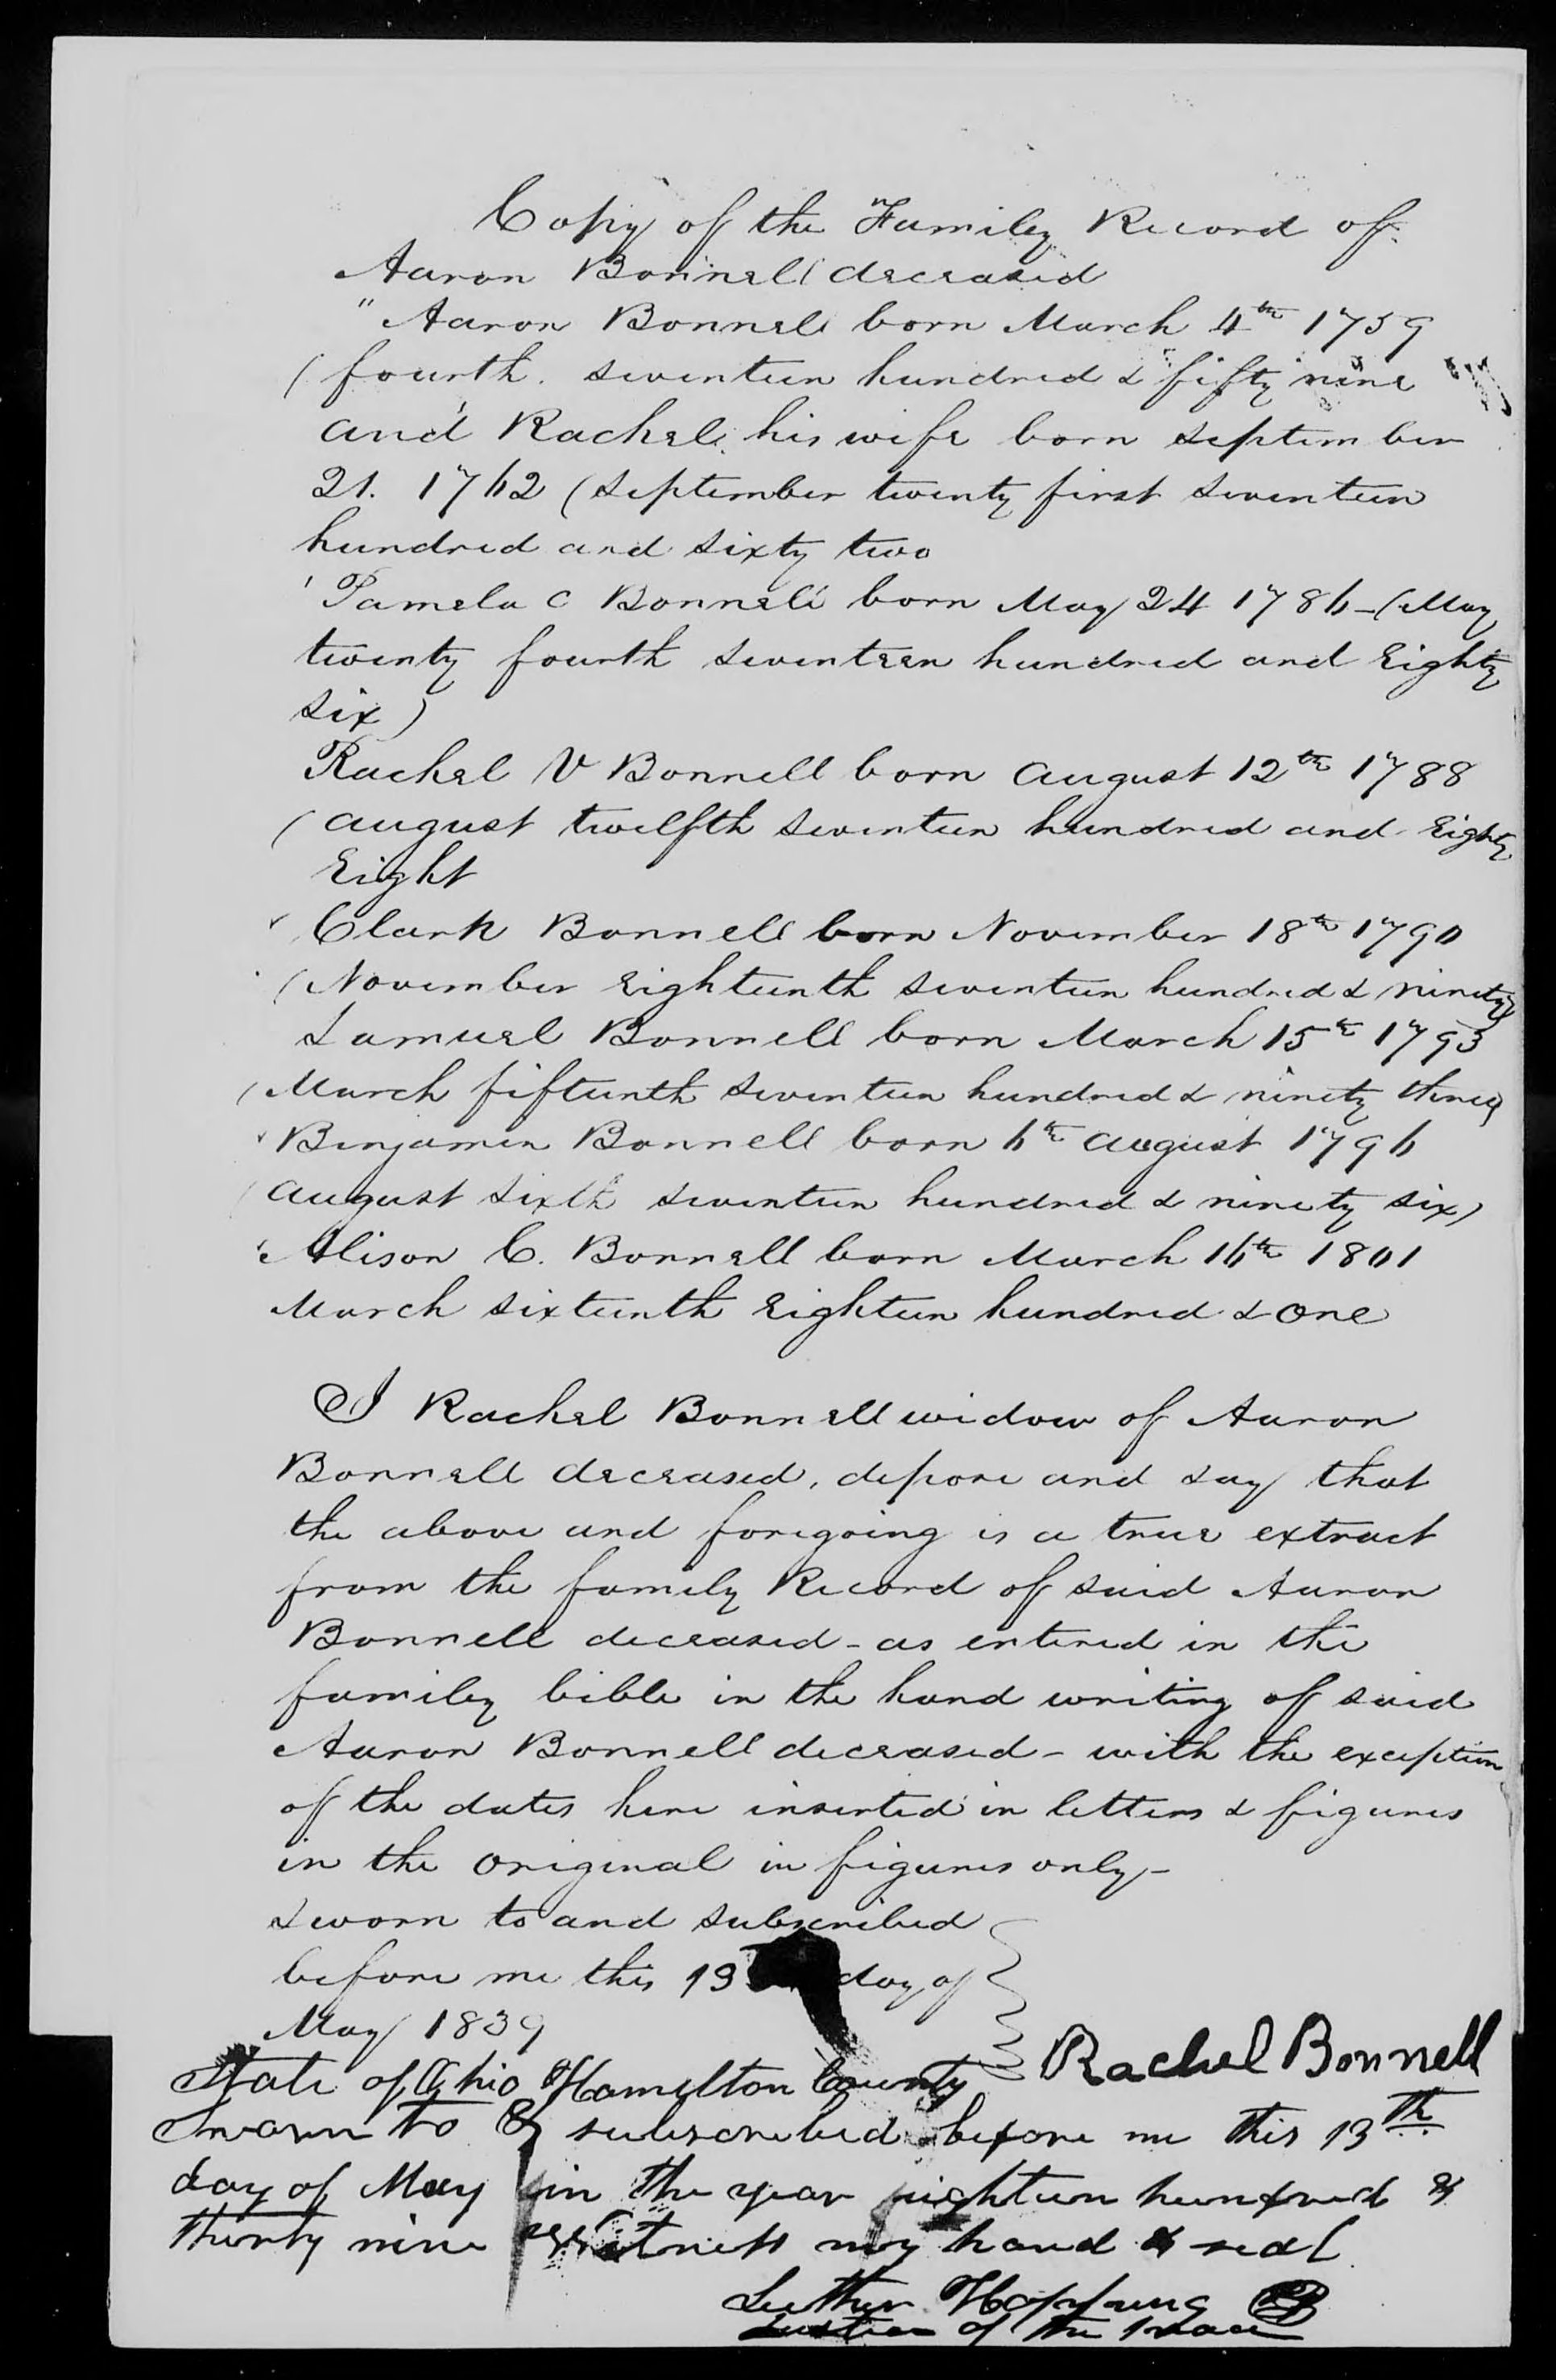Copy of the Family Record of Aaron Bonnell deceased
Aaron Bonnel born March 4th 1739 (fourth, seventeen hundred & fifty nine) 
and Rachel his wife born September 21 1762 (September twenty first seventeen hundred and sixty two)
Pamela C Bonnell born May 24 1786 (May twenty fourth seventeen hundred and eighty six)
Rachel V Bonnell born August 12th 1788 (August twelfth seventeen hundred and eighty eight)
Clark Bonnell born November 18th 1790 (November eighteenth seventeen hundred & ninety)
Samuel Bonnell born March 15th 1793 (March fifteenth seventeen hundred & ninety three)
Benjamin Bonnell born 6th August 1796 (August sixth seventeen hundred & ninety six)
Alison C. Bonnell born March 16th 1801 (March sixteenth eighteen hundred & one)
I Rachel Bonnell widow of Aaron Bonnell deceased depose and say that the above and foregoing is a true extract from the family record of said Aaron Bonnell deceased as entered in the family Bible in the handwriting of said Aaron Bonnell deceased with the exception of the dates here inserted in letters & figures in the original figures only.
Rachel Bonnell
Sworn to and subscribed before me the 13th day of May 1839
State of Ohio Hamilton County
Sworn to & subscribed before me this 13th day of May in the year eighteen hundred & thirty nine witness my hand & seal.  
Luther Hopping Justice of the Peace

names: Samuel Bonnell, Pamela C Bonnell, Alison C Bonnell, Benjamin Bonnell, Aaron Bonnell, Clark Bonnell, Luther Hopping, Aaron Bonnell, Rachel Bonnell, Rachel Bonnell, Aaron Bonnell, Rachel Bonnell, Aaron Bonnell, Rachel, Rachel V Bonnell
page: 16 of 67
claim: rejected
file: R. 1009, Aaron Bonnel, New Jersey